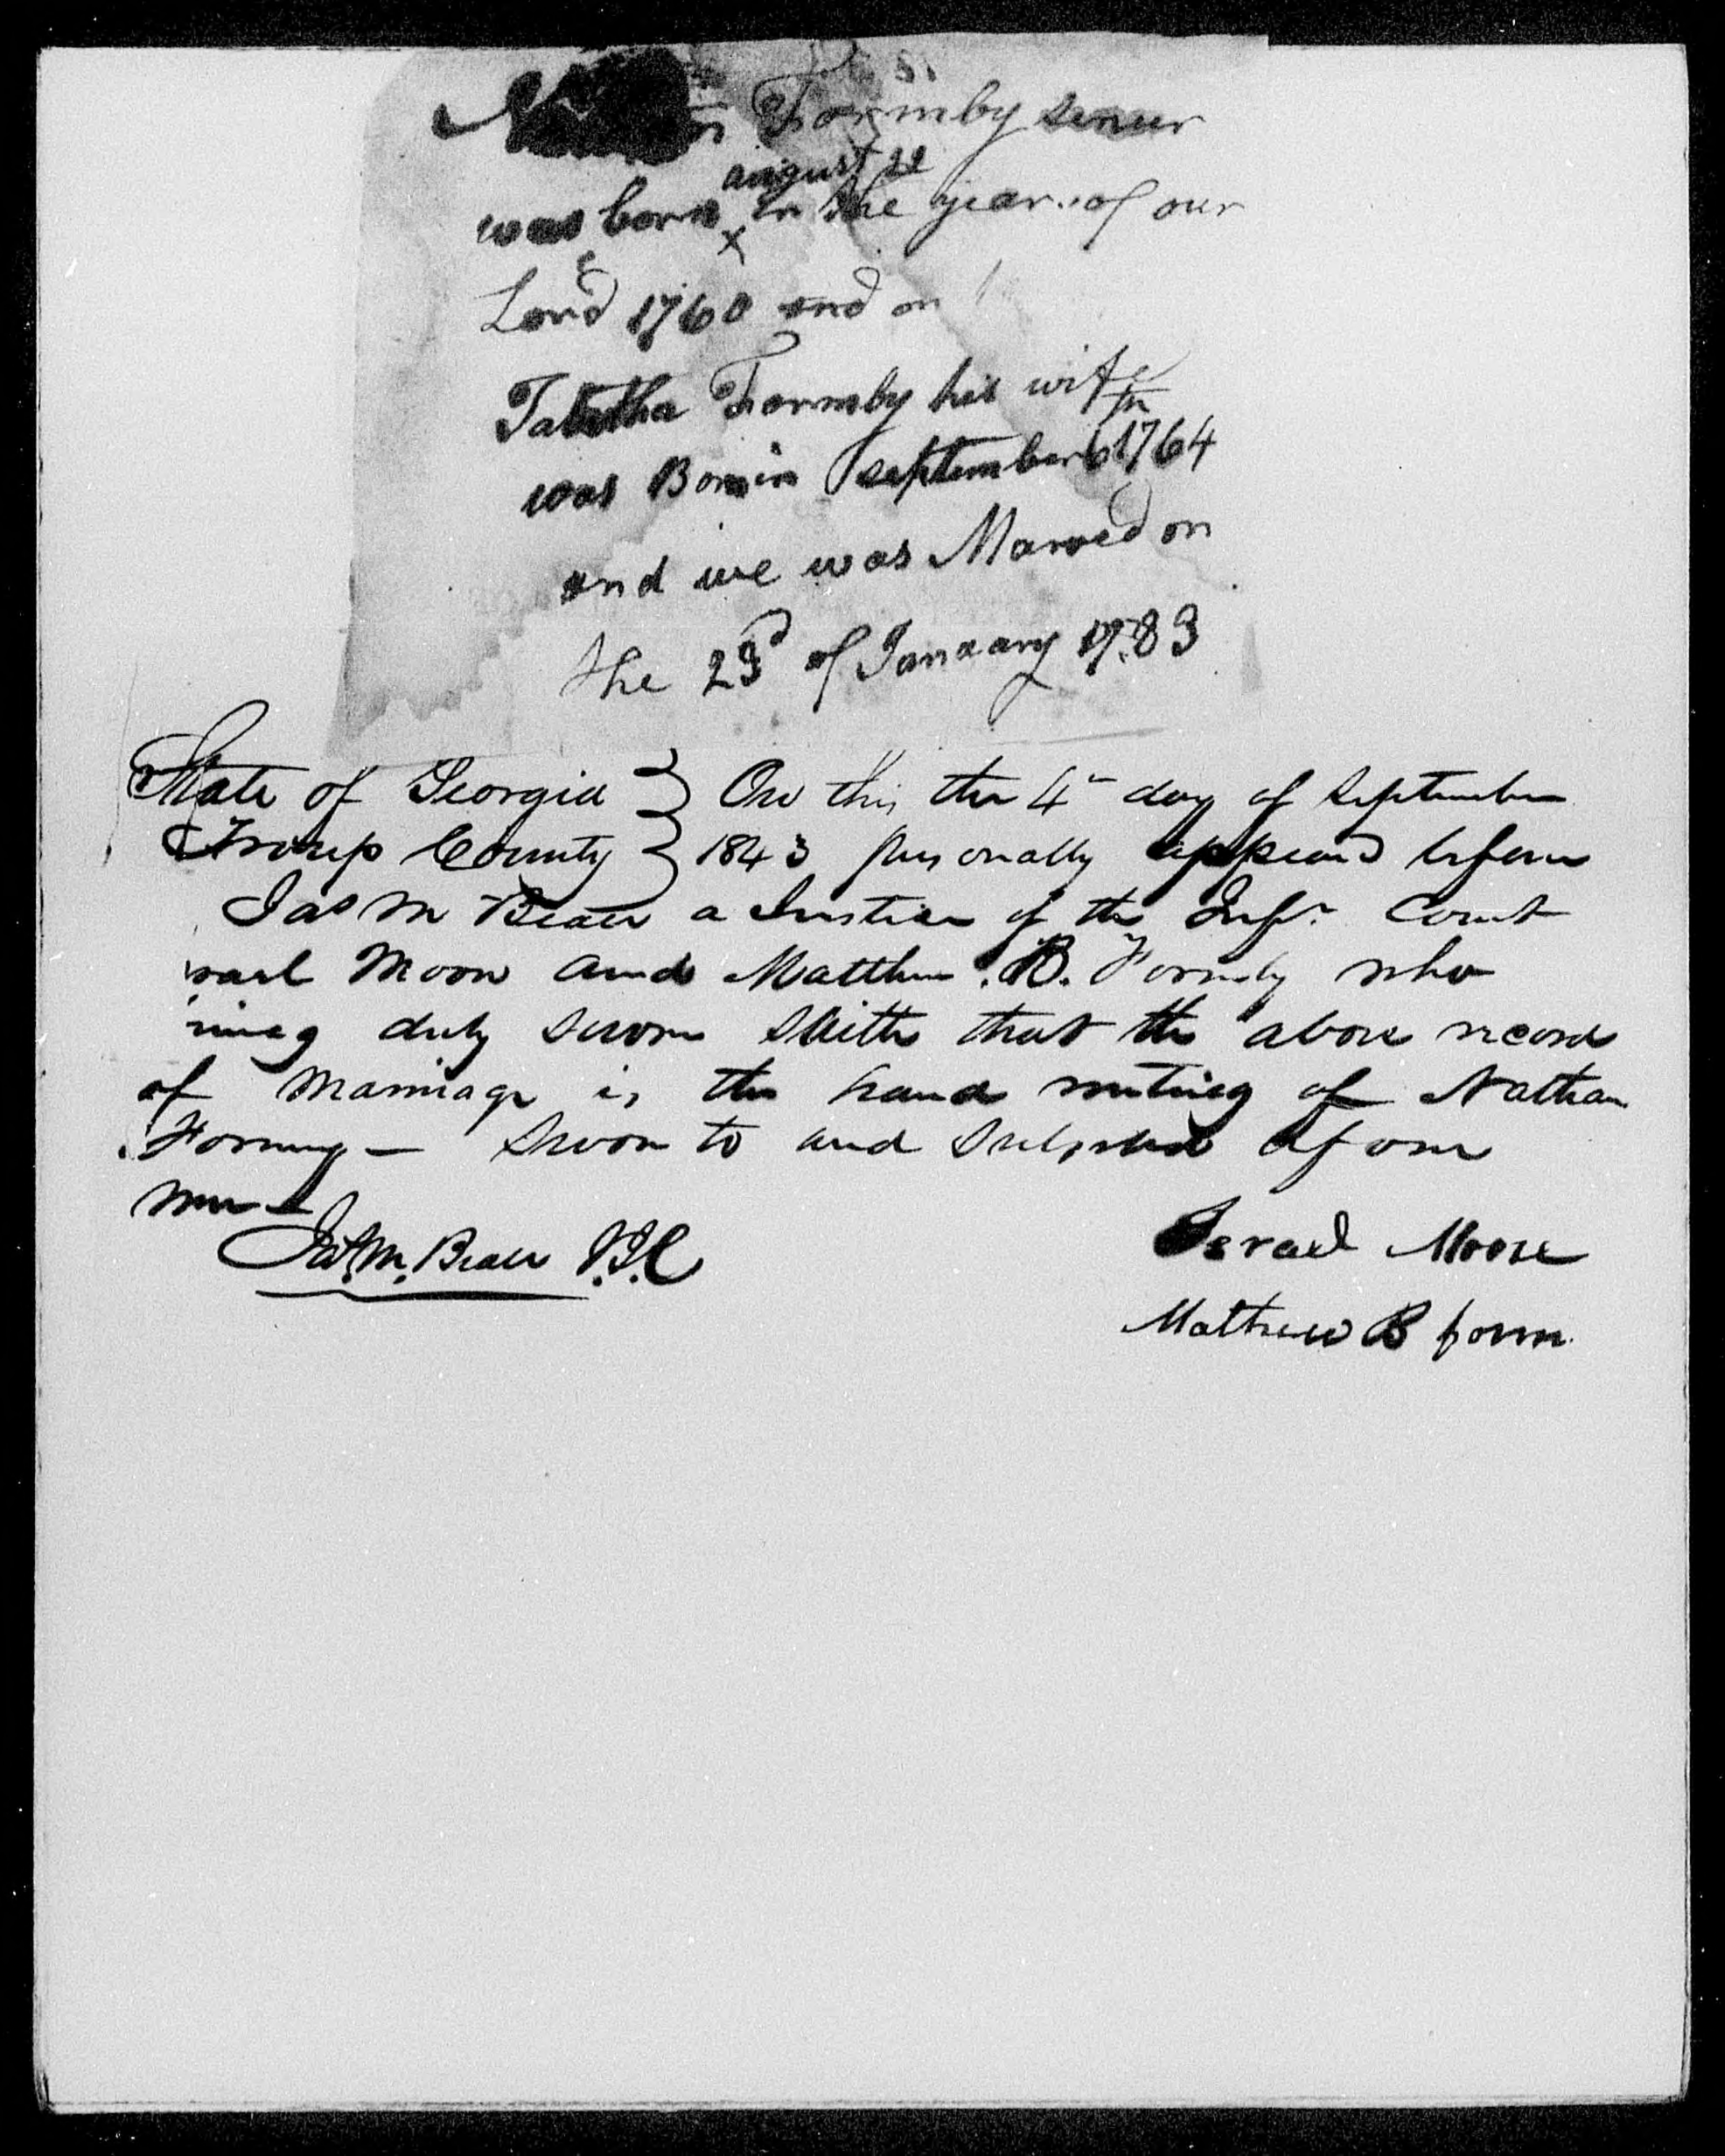[record of marriage written on a smaller piece of paper attached to the court document written on a larger piece of paper]

[illegible: Nathan] Formby senior was born August 22 in the year of our Lord 1760 and on Tabitha Formby his with was Born September 6th 1764 and we was Maried on The 23rd of January 1783

State of Georgia }
Troup County }
On this the 4th day of September 1843 personally appeared before Jas M Beall a Justice of the Infr. Court Israel Moore  and Matthew B. Formby who being duly sworn saith that the above record of Marriage is the hand writing of Nathan Formby - Sworn to and subsided afore
John Beall J.J.C
Israel Moore
Mathew B Formby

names: Tabitha Formby, Israel Moore, Jas M Beall, Israel Moore, Mathew B Form, Matthew B Formby, Nathan Formby, Jas M Beall, Nathan Formy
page: 13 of 54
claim: widow's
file: W. 3794, Nathan Formby, Va.